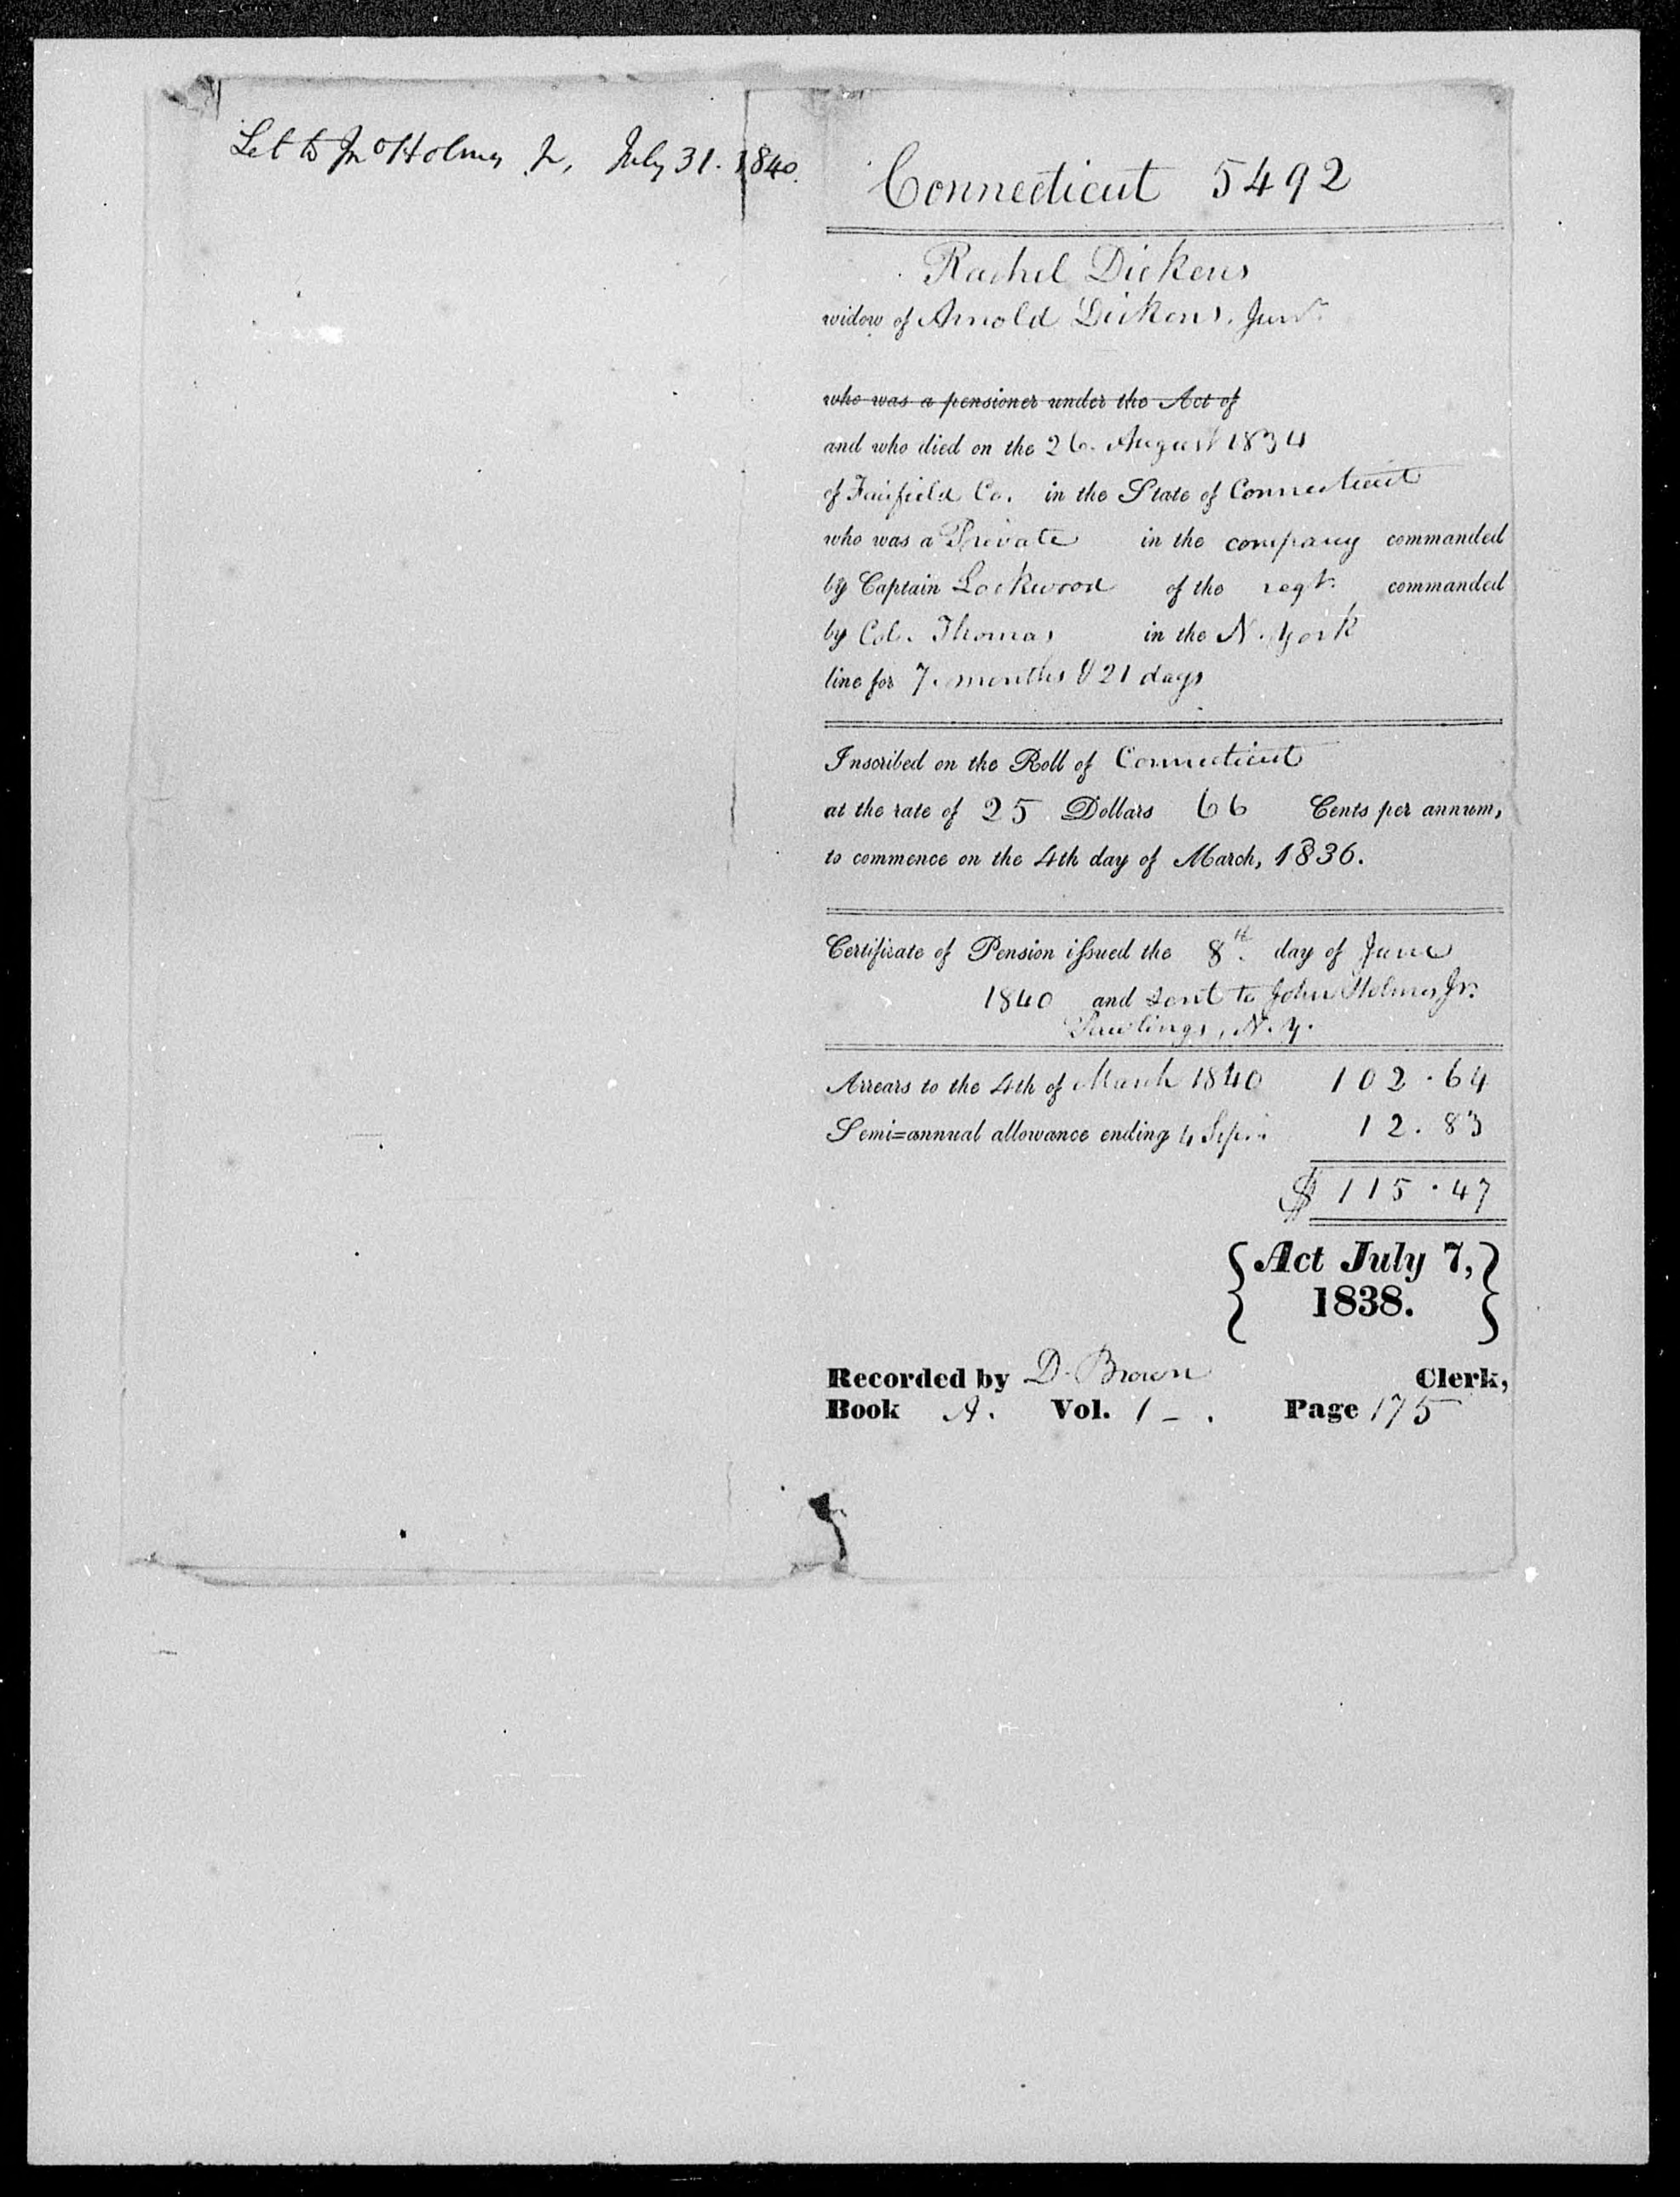Left hand page:

Let to Jno Holmes Jr, July 31. 1840.


Right hand page.

Connecticut 5492
Rachel Dickens
widow of Arnold Dickens, Junr.
and who died on the 26. August 1834 of Fairfield Co. in the State of Connecticut who was a Private in the company commanded by Captain Lockwood of the regt. commanded by Col. Thomas in the N. York line for 7 months & 21 days

Inscribed on the Roll of Connecticut at the rate of 25 Dollars 66 Cents per annum, to commence on the 4th day of March, 1836.

Certificate of Pension issued the 8th day of June 1840 and sent to John Holmes Jr. Pawlings, N. Y.

Arrears to the 4th of March 1840        102.64
Semi=annual allowance ending 4 Sept 12.83
$115.47
 
{Act July 7, 1838.}

Recorded by D. Brown Clerk,
Book A.   Vol 1 .  Page 175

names: John Holmes, Lockwood, Arnold Dickens, Rachel Dickens, D Brown, Thomas, Jno Holmes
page: 21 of 29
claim: widow's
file: W. 17720, Arnold Dickens, New York